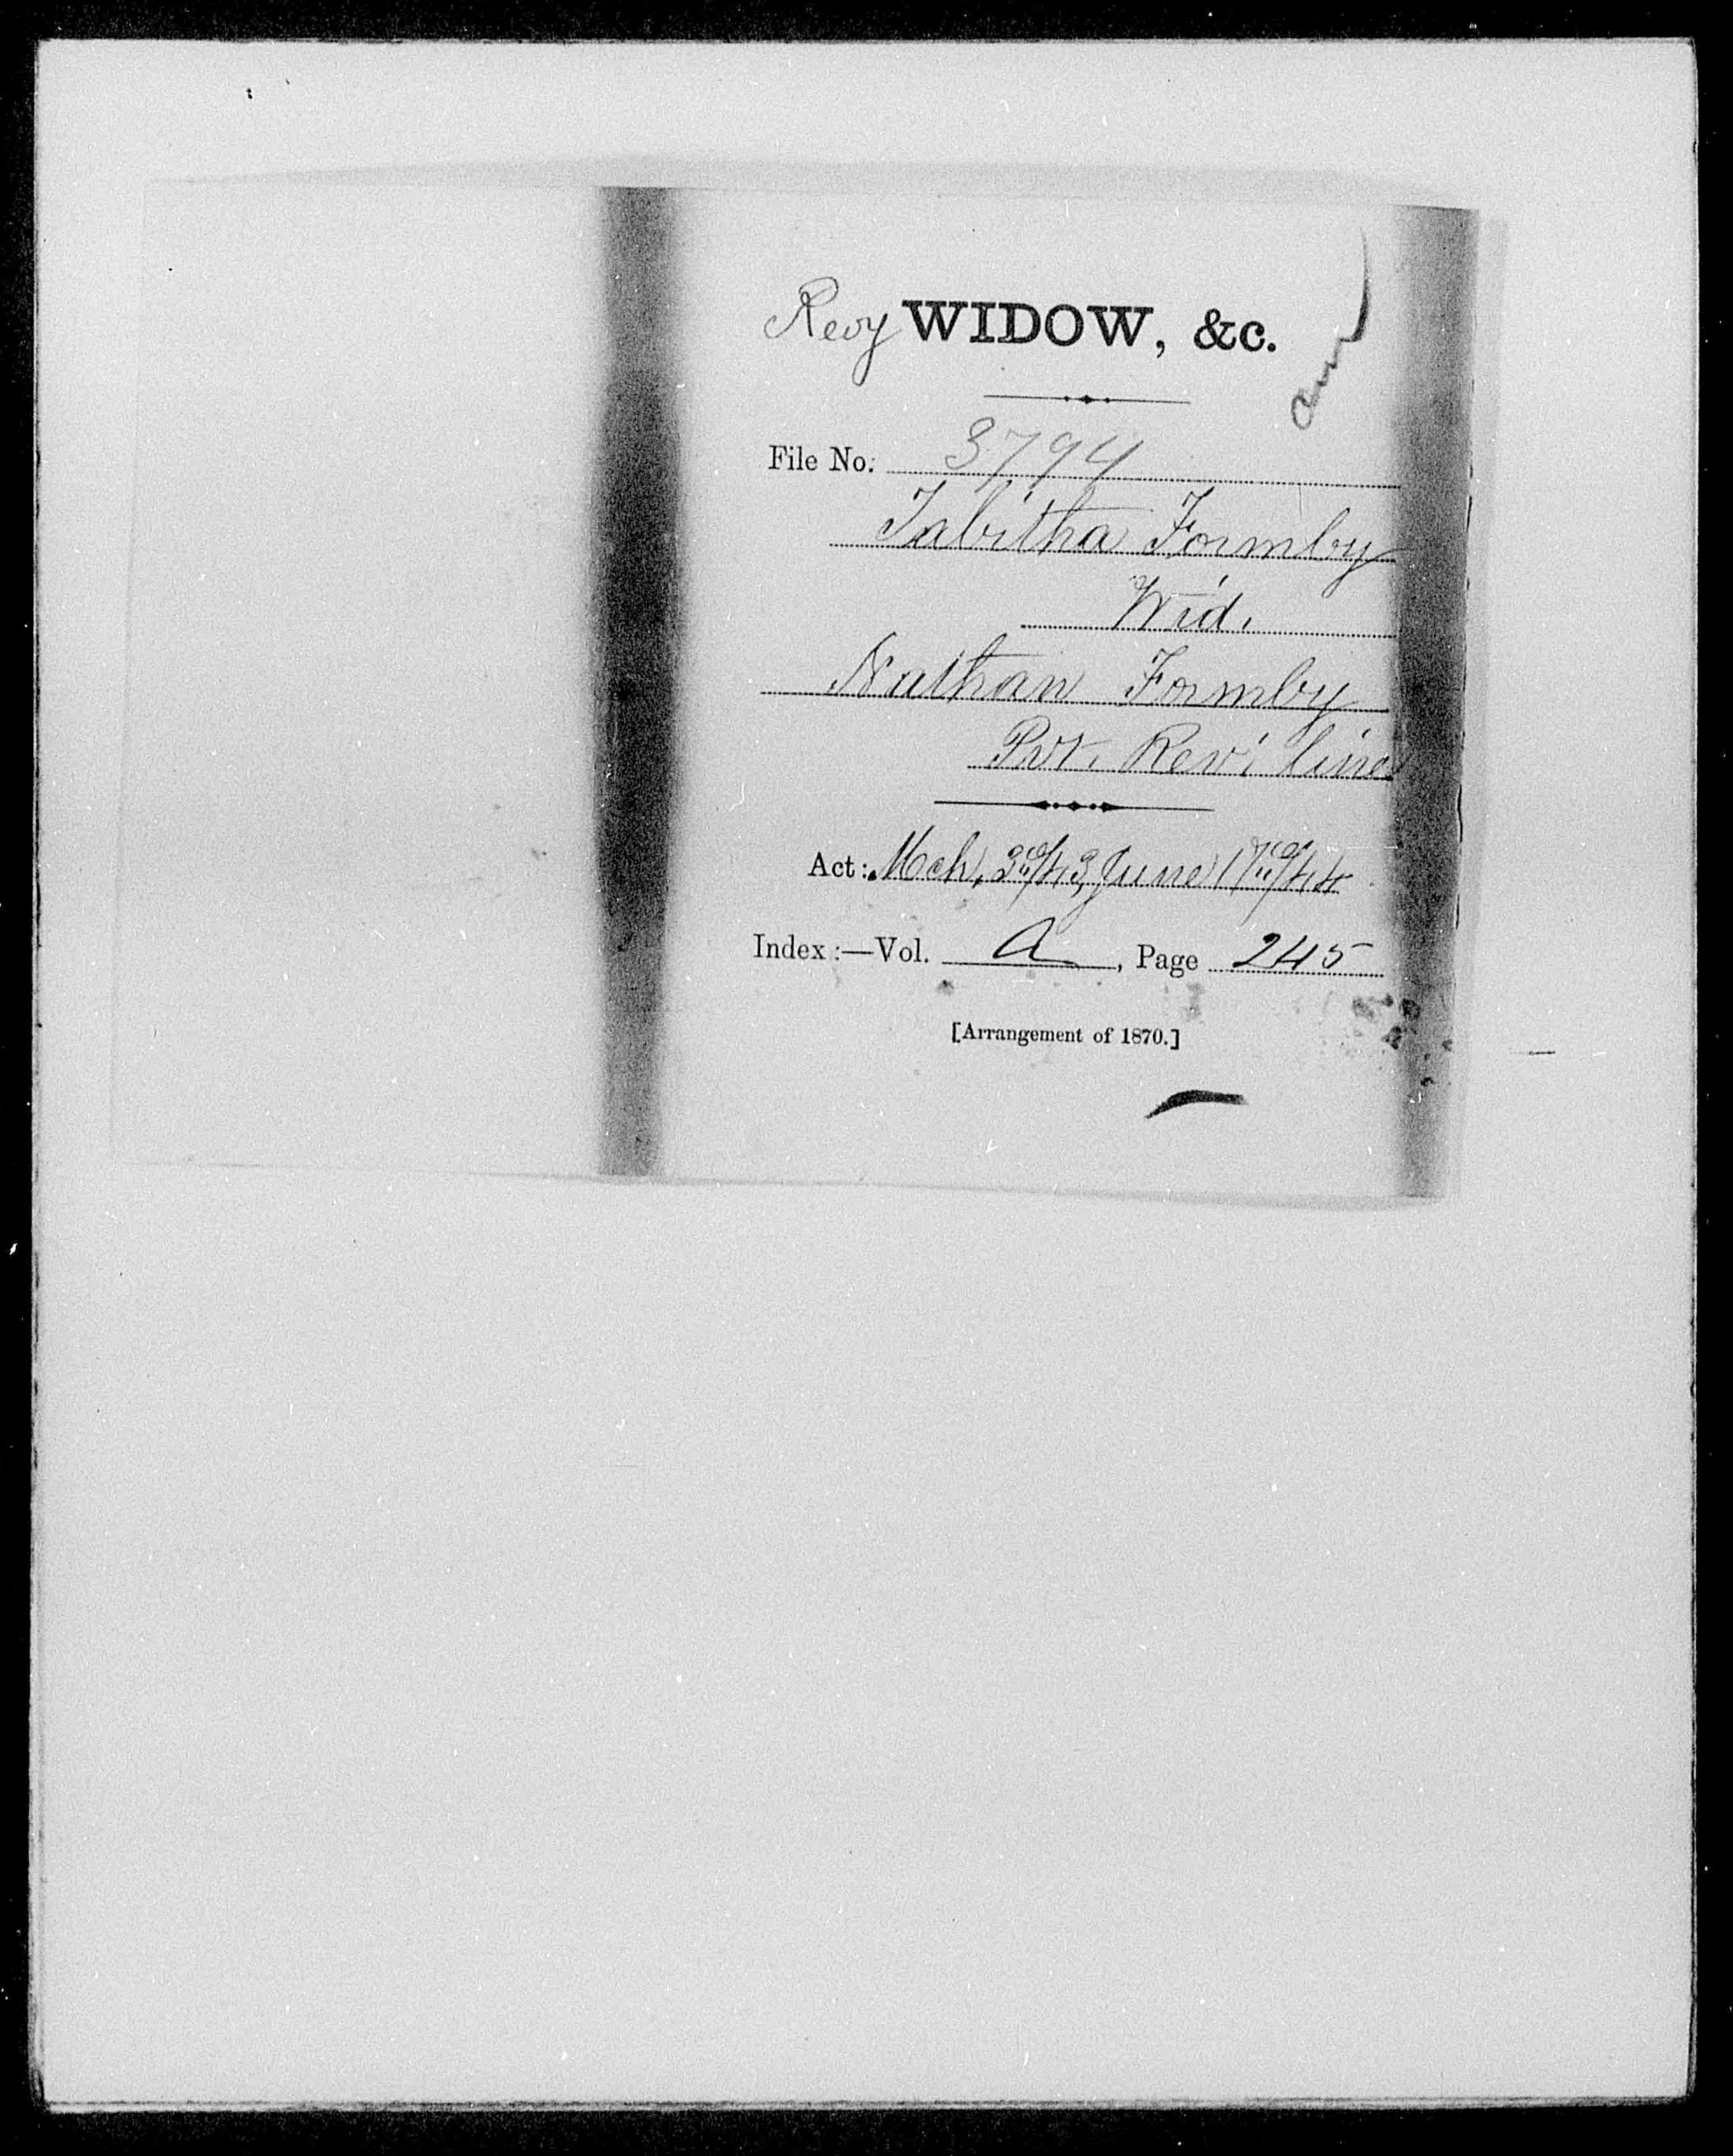Revy WIDOW, &c.

[written in upper right corner] am

File No. 3794
Tabitha Formby
Wid.
Nathan Formby
Pri, Rev, line

Act: March 3 [illegible], June 17 [illegible] 

Index: - Vol. A, Page 245

[Arrangment of 1870.]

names: Tabitha Formby, Nathan Formby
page: 25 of 54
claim: widow's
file: W. 3794, Nathan Formby, Va.